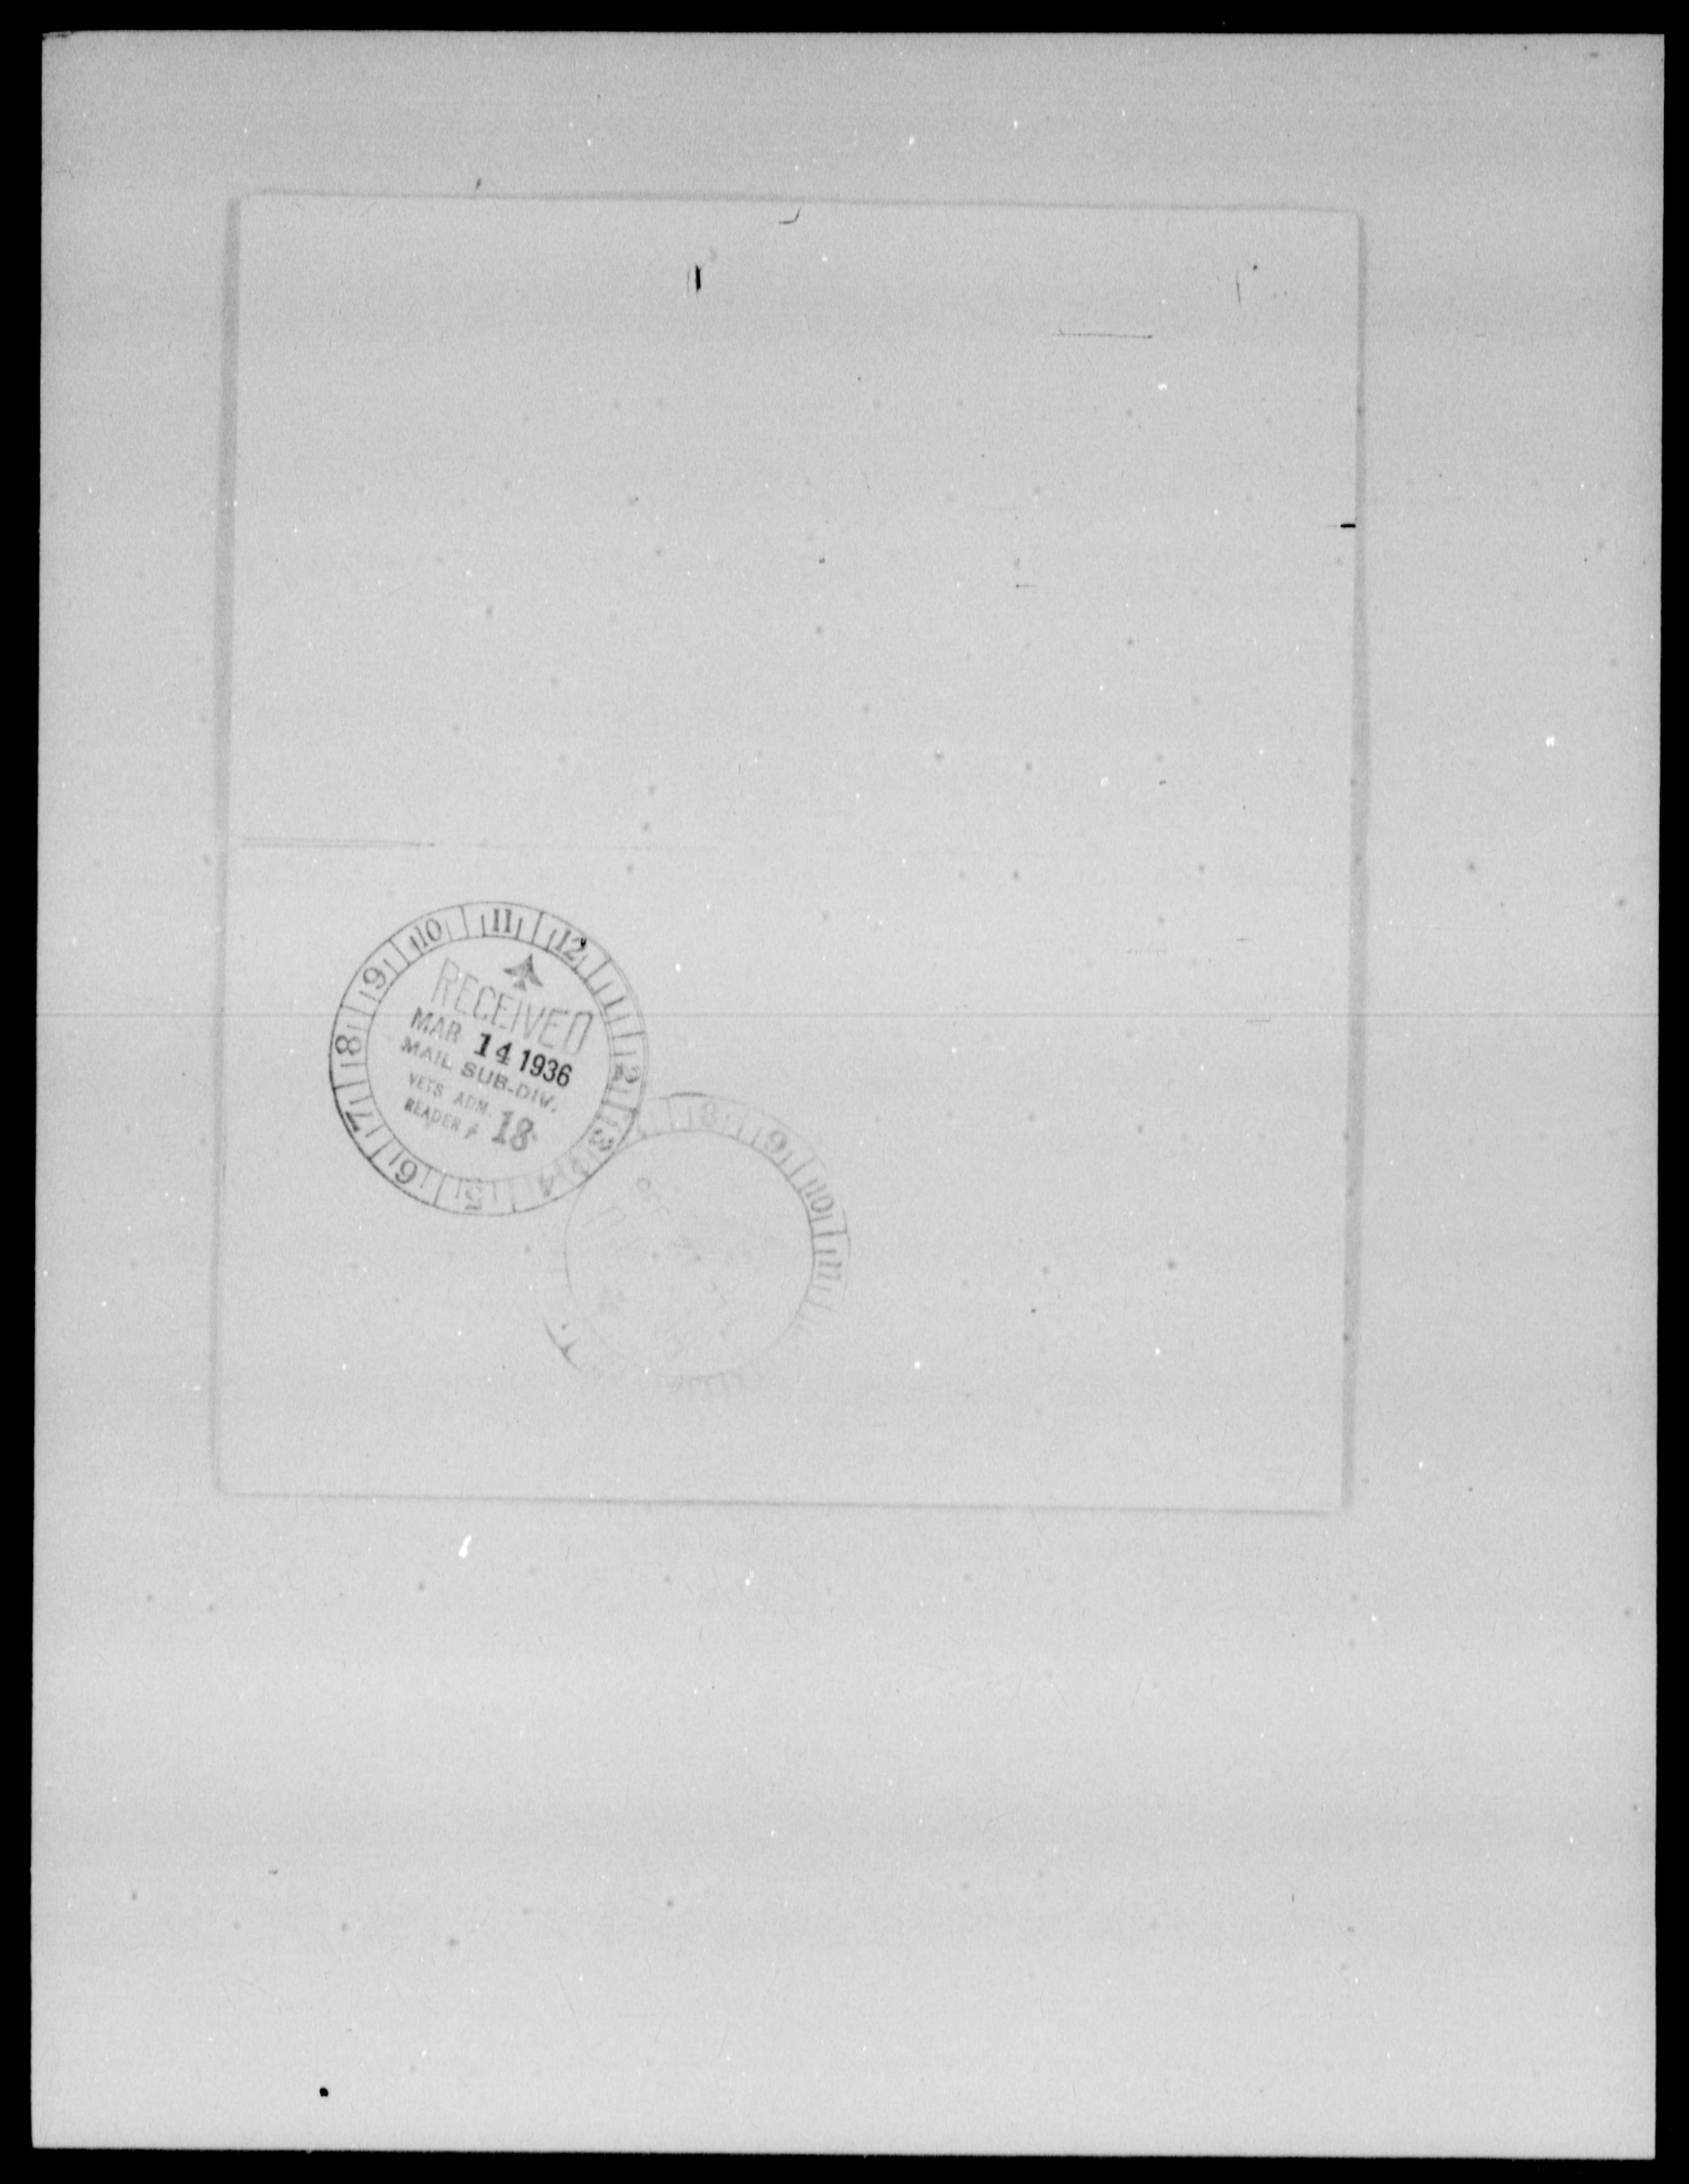RECEIVED MAR 14 1936
MAIL SUB-DIV.
VETS ADM.
READER #18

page: 49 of 84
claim: widow's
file: W.11104, for John Remay, Virginia